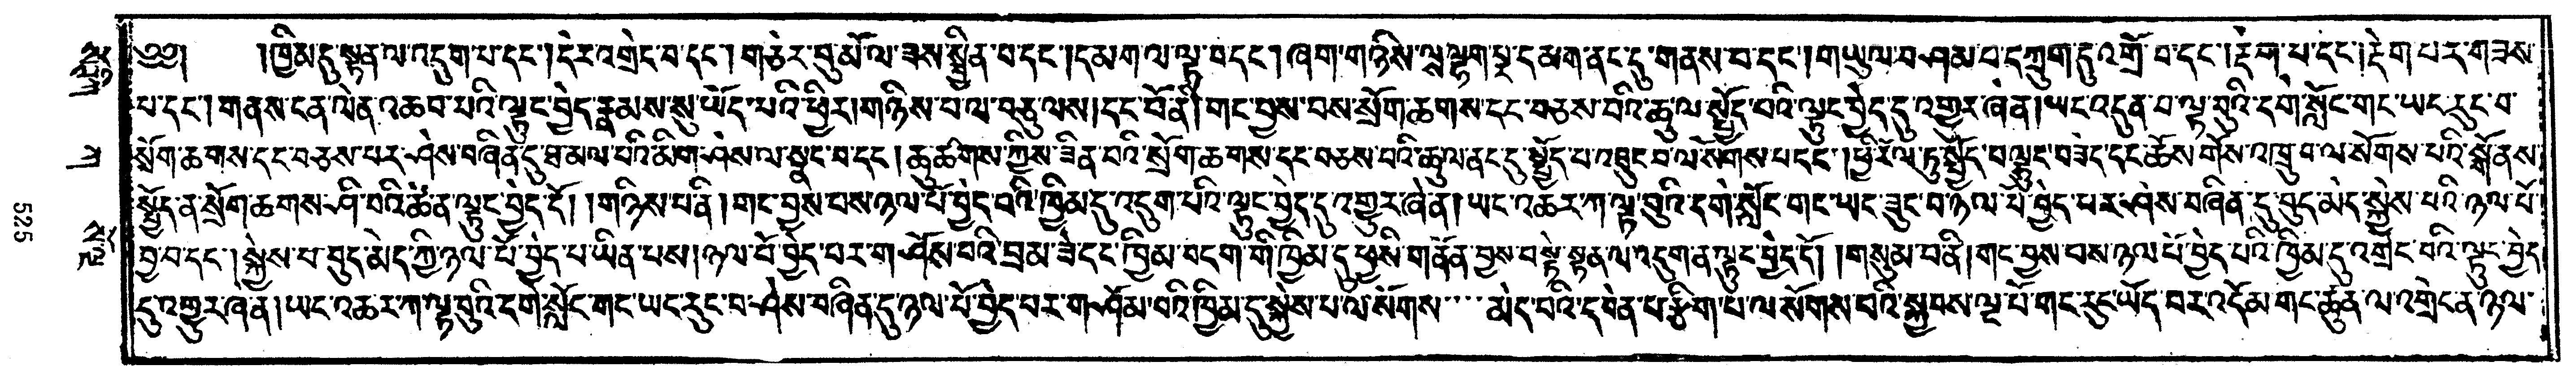༄༅། །ཁྱིམ་དུ་སྟན་ལ་འདུག་པ་དང་། དེར་འགྲེང་བ་དང་། གཅེར་བུ་མོ་ལ་ཟས་སྦྱིན་པ་དང་། དམག་ལ་ལྟ་བ་དང་། ཞག་གཉིས་ལས་ལྷག་པར་དམག་ནང་དུ་གནས་བ་དང་། གཡུལ་བཤམ་བ་དཀྲུག་དུ་འགྲོ་བ་དང་། རྡེག་པ་དང་། རྡེག་པར་གཟས་
པ་དང་། གནས་ངན་ལེན་འཆབ་པའི་ལྟུང་བྱེད་རྣམས་སུ་ཡོད་པའི་ཕྱིར། གཉིས་པ་ལ་བཅུ་ལས། དང་པོ་ནི། གང་བྱས་བས་སྲོག་ཆགས་དང་བཅས་བའི་ཆུ་ལ་སྤྱོད་པའི་ལྟུང་བྱེད་དུ་འགྱུར་ཞེན། ཡང་འདུན་པ་ལྟ་བུའི་དགེ་སློང་གང་ཡང་རུང་བ་
སྲོག་ཆགས་དང་བཅས་པར་ཤེས་བཞིན་དུ་ཐ་མལ་པའི་མིག་ཤེས་ལ་སྣང་བ་དང་། ཆུ་ཚགས་ཀྱིས་ཟིན་པའི་སྲོག་ཆགས་དང་བཅས་པའི་ཆུ་ལ་ནང་དུ་སྤྱོད་པ་འཐུང་བ་ལ་སོགས་པ་དང་།ཕྱི་རོལ་ཏུ་སྤྱོད་བ་ལྷུང་བཟེད་དང་ཆོས་གོས་འཁྲུ་བ་ལ་སོགས་པའི་སྒོ་ནས་
སྤྱོད་ན་སྲོག་ཆགས་ཤི་བའི་ཚེ་ན་ལྟུང་བྱེད་དོ། །གཉིས་པ་ནི། གང་བྱིས་པས་ཉལ་པོ་བྱེད་བའི་ཁྱིམ་དུ་འདུག་པའི་ལྟུང་བྱེད་དུ་འགྱུར་ཞེ་ན། ཡང་འཆར་ཀ་ལྟ་བུའི་དགེ་སློང་གང་ཡང་ཟུང་བ་ཉལ་པོ་བྱེད་པར་ཤེས་བཞིན་དུ་བུད་མེད་སྐྱེས་པའི་ཉལ་པོ་
བྱ་བ་དང་། སྐྱེས་པ་བུད་མེད་ཀྱི་ཉལ་པོ་བྱེད་པ་ཡིན་པས། ཉལ་པོ་བྱེད་པར་གཤོས་བའི་བྲམ་ཟེ་དང་ཁྱིམ་བདག་གི་ཁྱིམ་དུ་ཕྱིས་གནོན་བྱས་བ་སྟེ་སྟན་ལ་འདུག་ན་ལྟུང་བྱེད་དོ། །གསུམ་བ་ནི། གང་བྱས་བས་ཉལ་པོ་བྱེད་པའི་ཁྱིམ་དུ་འགྲེང་བའི་ལྟུང་བྱེད་
དུ་འགྱུར་ཞེ་ན། ཡང་འཆར་ཀ་ལྟ་བུའི་དགེ་སློང་གང་ཡང་རུང་བ་ཤེས་བཞིན་དུ་ཉལ་པོ་བྱེད་པར་གཤོམ་བའི་ཁྱིམ་དུ་སྐྱེས་པ་ལ་སོགས་མེད་བའི་དབེན་པ་རྩིག་པ་ལ་སོགས་པའི་སྐྱབས་ལྔ་པོ་གང་རུང་ཡོད་བར་འདོམ་གང་ཚུན་ལ་འགྲེང་ན་ཉལ་